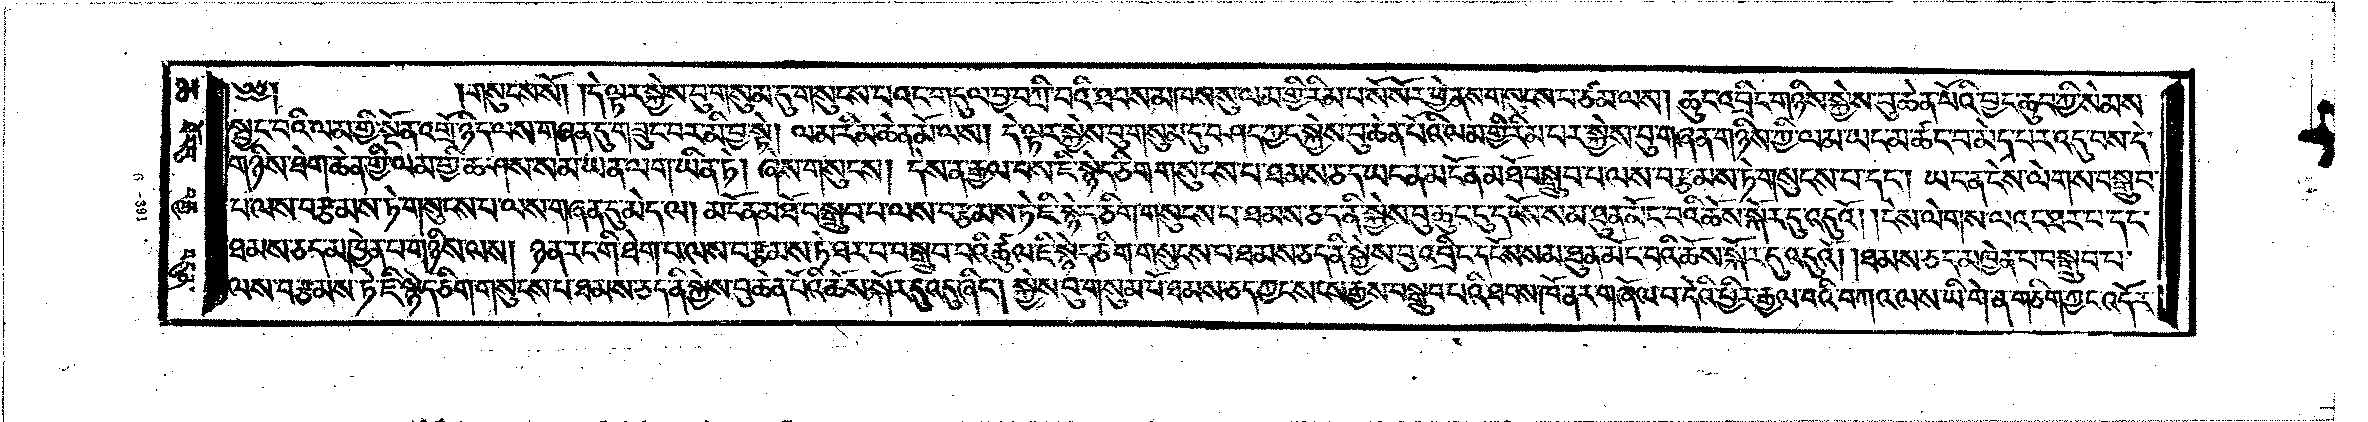༄༅། །གསུངས་སོ། །དེ་ལྟར་སྐྱེས་བུ་གསུམ་དུ་གསུངས་པའང་གདུལ་བྱ་བཀྲི་བའི་ཐབས་མཁས་སུ་ལམ་གྱི་རིམ་པ་སོ་སོར་ཕྱེ་ནས་གསུངས་པ་ཙམ་ལས། ཆུང་འབྲིང་གཉིས་སྐྱེས་བུ་ཆེན་པོའི་བྱང་ཆུབ་ཀྱི་སེམས་
སྦྱང་བའི་ལམ་གྱི་སྔོན་འགྲོ་ཉིད་ལས་གཞན་དུ་གཟུང་བར་མི་བྱ་སྟེ། ལམ་རིམ་ཆེན་མོ་ལས། དེ་ལྟར་སྐྱེས་བུ་གསུམ་དུ་བཤད་ཀྱང་སྐྱེས་བུ་ཆེན་པོའི་ལམ་གྱི་རིམ་པར་སྐྱེས་བུ་གཞན་གཉིས་ཀྱི་ལམ་ཡང་མ་ཚང་བ་མེད་པར་འདུ་བས་དེ་
གཉིས་ཐེག་ཆེན་གྱི་ལམ་གྱི་ཆ་ཤས་སམ་ཡན་ལག་ཡིན་ཏེ། ཞེས་གསུངས། དེས་ན་རྒྱལ་བས་ཇི་སྙེད་ཅིག་གསུངས་པ་ཐམས་ཅད་ཡང་ན་མངོན་མཐོབ་སྒྲུབ་པ་ལས་བརྩམས་ཏེ་གསུངས་པ་དང་། ཡང་ན་ངེས་ལེགས་བསྒྲུབ་
པ་ལས་བརྩམས་ཏེ་གསུངས་པ་ལས་གཞན་དུ་མེད་ལ། མངོན་མཐོ་བསྒྲུབ་པ་ལས་བརྩམས་ཏེ་ཇི་སྙེད་ཅིག་གསུངས་པ་ཐམས་ཅད་ནི་སྐྱེས་བུ་ཆུང་ངུ་དངོས་སམ་ཐུན་མོང་བའི་ཆོས་སྐོར་དུ་འདུའོ། །ངེས་ལེགས་ལའང་ཐར་པ་དང་
ཐམས་ཅད་མཁྱེན་པ་གཉིས་ལས། ཉན་རང་གི་ཐེག་པ་ལས་བརྩམས་ཏེ་ཐར་པ་བསྒྲུབས་པའི་ཚུལ་ཇི་སྙེད་ཅིག་གསུངས་པ་ཐམས་ཅད་ནི་སྐྱེས་བུ་འབྲིང་དངོས་མཐུན་མོང་བའི་ཆོས་སྐོར་དུ་འདུའོ། །ཐམས་ཅད་མཁྱེན་པ་བསྒྲུབ་པ་
ལས་བརྩམས་ཏེ་ཇི་སྙེད་ཅིག་གསུངས་པ་ཐམས་ཅད་ནི་སྐྱེས་བུ་ཆེན་པོའི་ཆོས་སྐོར་དུ་འདུ་ཞིང་། སྐྱེས་བུ་གསུམ་པོ་ཐམས་ཅད་ཀྱང་སངས་རྒྱས་བསྒྲུབ་པའི་ཐབས་ཁོ་ནར་གཞོལ་བ་དེའི་ཕྱིར་རྒྱལ་བའི་བཀའ་ལས་ཡི་གེ་ན་གཅིག་ཀྱང་འདོར་